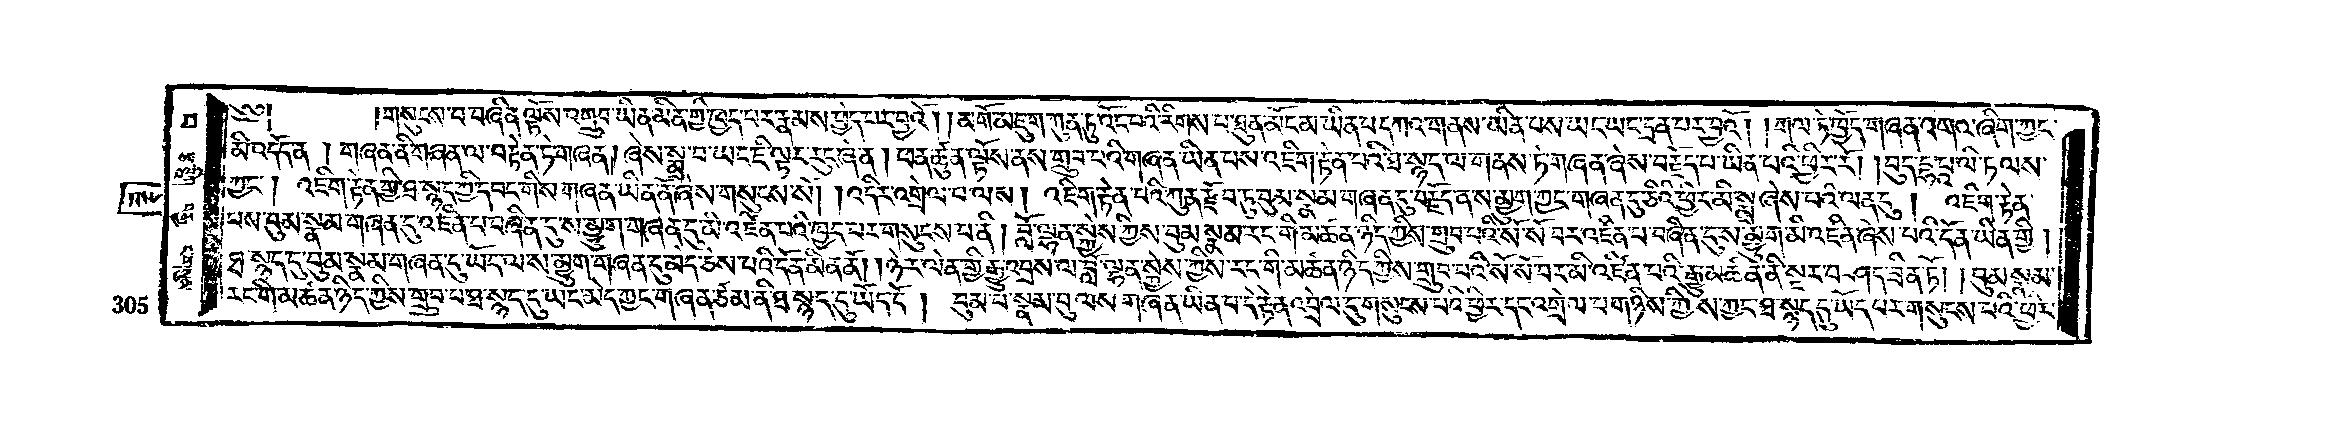༄༅། །གསུངས་པ་བཞིན་ལྟོས་འགྲུབ་ཡིན་མིན་གྱི་ཁྱད་པར་རྣམས་ཕྱེད་པར་བྱའོ། །མགོ་མཇུག་ཀུན་ཏུ་འོང་བའི་རིགས་པ་ཐུན་མོང་མ་ཡིན་པ་དཀའ་གནས་ཡིན་པས་ཡང་ཡང་དྲན་པར་བྱའོ། །གལ་ཏེ་ཁྱོད་གཞན་འགའ་ཞིག་ཀྱང་
མི་འདོད་ན། གཞན་ནི་གཞན་ལ་བརྟེན་ཏེ་གཞན། ཞེས་སྨྲ་བ་ཡང་ཇི་ལྟར་རུང་ཞེ་ན། ཕན་ཚུན་ལྟོས་ནས་གྲུབ་པའི་གཞན་ཡིན་པས་འཇིག་རྟེན་པའི་ཐ་སྙད་ལ་གནས་ཏེ་གཞན་ཞེས་བརྗོད་པ་ཡིན་པའི་ཕྱིར་རོ། །བུདྡྷ་པཱ་ལི་ཏ་ལས་
ཀྱང་། འཇིག་རྟེན་གྱི་ཐ་སྙད་ཀྱི་དབང་གིས་གཞན་ཡིན་ནོ་ཞེས་གསུངས་སོ། །འདིར་འགྲེལ་པ་ལས། འཇིག་རྟེན་པའི་ཀུན་རྫོབ་ཏུ་བུམ་སྣམ་གཞན་དུ་བརྗོད་ནས་མྱུག་ཀྱང་གཞན་དུ་ཅིའི་ཕྱིར་མི་སྨྲ་ཞེས་པའི་ལན་དུ། འཇིག་རྟེན་
པས་བུམ་སྣམ་གཞན་དུ་འཛིན་པ་བཞིན་དུ་ས་མྱུག་གཞན་དུ་མི་འཛིན་པའི་ཁྱད་པར་གསུངས་པ་ནི། བློ་ལྷན་སྐྱེས་ཀྱིས་བུམ་སྣམ་རང་གི་མཚན་ཉིད་ཀྱིས་གྲུབ་པའི་སོ་སོ་བར་འཛིན་པ་བཞིན་དུ་ས་མྱུག་མི་འཛིན་ཞེས་པའི་དོན་ཡིན་གྱི།
ཐ་སྙད་དུ་བུམ་སྣམ་གཞན་དུ་ཡོད་ལ་ས་མྱུག་གཞན་དུ་མེད་ཅེས་པའི་དོན་མིན་ནོ། །ཉེར་ལེན་གྱི་རྒྱུ་འབྲས་ལ་བློ་ལྷན་སྐྱས་ཀྱིས་རང་གི་མཚན་ཉིད་ཀྱིས་གྲུབ་པའི་སོ་སོ་བར་མཾ་འཛིན་པའི་རྒྱུ་མཚན་ནི་སྔར་བཤད་ཟིན་ཏོ། །བུམ་སྣམ་
རང་གི་མཚན་ཉིད་ཀྱིས་གྲུབ་པ་ཐ་སྙད་དུ་ཡང་མེད་ཀྱང་གཞན་ཙམ་ནི་ཐ་སྙད་དུ་ཡོད་དེ། བུམ་པ་སྣམ་བུ་ལས་གཞན་ཡིན་པ་དེ་རྟེན་འབྲེལ་དུ་གསུངས་པའི་ཕྱིར་དང་འགྲེལ་པ་གཉིས་ཀྱིས་ཀྱང་ཐ་སྙད་དུ་ཡོད་པར་གསུངས་པའི་ཕྱིར་